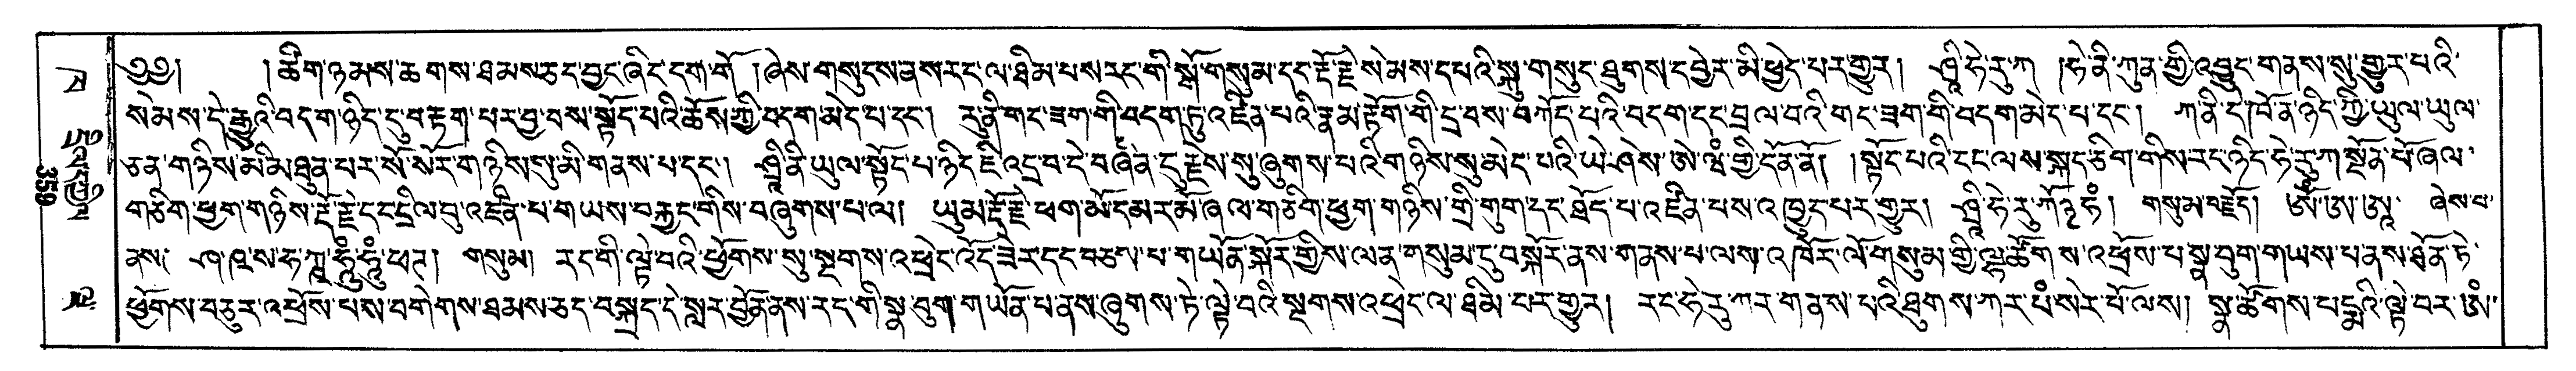༄༅། །ཚིག་ཉམས་ཆགས་ཐམས་ཅད་བྱང་ཞིང་དག་གོ །ཞེས་གསུངས་ནས་རང་ལ་ཐིམ་པས་རང་གི་སྒོ་གསུམ་དང་རྡོ་རྗེ་སེམས་དཔའི་སྐུ་གསུང་ཐུགས་དབྱེར་མི་ཕྱེད་པར་གྱུར། ཤྲཱི་ཧེ་རུ་ཀ །ཧེ་ནི་ཀུན་གྱི་འབྱུང་གནས་སུ་གྱུར་པའི་
སེམས་དེ་རྒྱུའི་བདག་ཉིད་དུ་བརྟག་པར་བྱབས་སྟོང་པའི་ཆོས་ཀྱི་བདག་མེད་པ་དང་། རུ་ནི་གང་ཟག་གི་བདག་ཏུ་འཛིན་པའི་རྣམ་རྟོག་གི་དྲ་བས་བཀོད་པའི་བདག་དང་བྲལ་བའི་གང་ཟག་གི་བདག་མེད་པ་དང་། ཀ་ནི་དེ་ཁོ་ན་ཉིད་ཀྱི་ཡུལ་ཡུལ་
ཅན་གཉིས་མི་མཐུན་པར་སོ་སོར་གཉིས་སུ་མི་གནས་པ་དང་། ཤྲཱི་ནི་ཡུལ་སྟོང་པ་ཉིད་ཇི་འདྲ་བ་དེ་བཞིན་དུ་རྗེས་སུ་ཞུགས་པའི་གཉིས་སུ་མེད་པའི་ཡེ་ཤེས་ཨེ་ཝཾ་གྱི་དོན་ནོ། །སྟོང་པའི་ངང་ལས་སྐད་ཅིག་གིས་རང་ཉིད་ཧེ་རུ་ཀ་སྔོན་པོ་ཞལ་
གཅིག་ཕྱག་གཉིས་རྡོ་རྗེ་དང་དྲིལ་བུ་འཛིན་པ་གཡས་བརྐྱང་གིས་བཞུགས་པ་ལ། ཡུམ་རྡོ་རྗེ་ཕག་མོ་དམར་མོ་ཞལ་གཅིག་ཕྱག་གཉིས་གྲི་གུག་དང་ཐོད་པ་འཛིན་པས་འཁྱུད་པར་གྱུར། ཤྲཱི་ཧེ་རུ་ཀོཉྷཾ། གསུམ་བརྗོད། ཨོཾ་ཨ་ཨཱ་ཞེས་པ་
ནས༑ ཤ་ཥ་ས་ཧ་ཀཥ་ཧཱུཾ་ཧཱུཾ་ཕཊ། གསུམ། རང་གི་ལྟེ་བའི་ཕྱོགས་སུ་སྔགས་འཕྲེང་འོད་ཟེར་དང་བཅས་པ་གཡོན་སྐོར་གྱིས་ལན་གསུམ་དུ་བསྐོར་ནས་གནས་པ་ལས་འཁོར་ལོ་གསུམ་གྱི་ལྷ་ཚོགས་འཕྲོས་པ་སྣ་བུག་གཡས་པ་ནས་ཐོན་ཏེ་
ཕྱོགས་བཅུར་འཕྲོས་པས་བགེགས་ཐམས་ཅད་བསྐྲད་དེ་སླར་བྱོན་ནས་རང་གི་སྣ་བུག་གཡོན་པ་ནས་ཞུགས་ཏེ་ལྟེ་པའི་སྔགས་འཕྲེང་ལ་ཐིམ་པར་གྱུར། རང་ཧེ་རུ་ཀར་གནས་པའི་ཐུགས་ཀར་པཾ་སེར་པོ་ལས། སྣ་ཚོགས་པདམའི་ལྟེ་བར་ཨཾ་